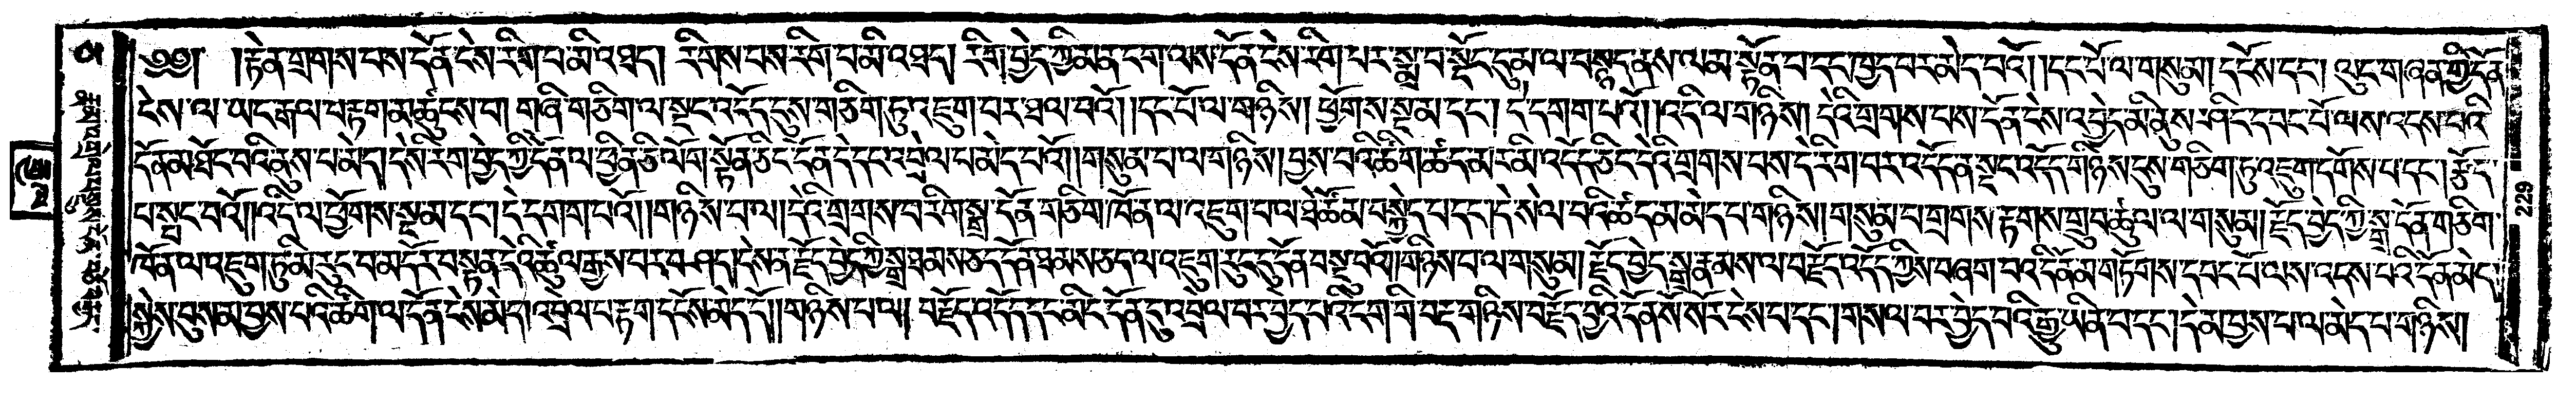༄༅། །རྟེན་གྲགས་པས་དོན་ངེས་རིག་པ་མི་འཐད། རིགས་པས་རིག་པ་མི་འཐད། རིག་བྱེད་ཀྱི་མན་ངག་ལས་དོན་ངེས་རིག་པར་སྨྲ་བ་སྡོང་དུ་མ་ལ་བསྙད་ནས་ལམ་སྟོན་པ་དང་ཁྱད་པར་མེད་པའོ། །དང་པོ་ལ་གསུམ། དངོས་དང་། ལུང་གཞན་གྱི་དོན་
ངེས་ལ་ཡང་རྒལ་པ་རྟག་མཚུངས་པ། གཞི་གཅིག་ལ་སྡང་འདོད་དུས་གཅིག་ཏུ་འཇུག་པར་ཐལ་བའོ། །དང་པོ་ལ་གཉིས། ཕྱོགས་སྔ་མ་དང་། དེ་དགག་པའོ། །འདི་ལ་གཉིས། དེའི་གྲགས་པས་དོན་ངེས་འབྱེད་མི་ནུས་ཤིང་དབང་པོ་ལས་འདས་པའི་
དོན་མཐོང་བའི་ནུས་པ་མེད། དེས་རིག་བྱེད་ཀྱི་དོན་ལ་ཕྱིན་ཅི་ལོག་སྟོན་ཅིང་དོན་དེ་དང་འབྲེལ་པ་མེད་པའོ། །གསུམ་པ་ལ་གཉིས། བྱས་པའི་ཚིག་ཚད་མར་མི་འདོད་ཅིང་དེའི་གྲགས་པས་དེ་རིག་པར་འདོད་ན་སྡང་འདོད་གཉིས་དུས་གཅིག་ཏུ་འཇུག་དགོས་པ་དང་། རྩོད་
པ་སྤང་བའོ། །འདི་ལ་ཕྱོགས་སྔ་མ་དང་། དེ་དགག་པའོ། །གཉིས་པ་ལ། དེའི་གྲགས་པ་རིག་སྒྲ་དོན་གཅིག་ཁོ་ན་ལ་འཇུག་པ་ལ་ཐེ་ཚོམ་བསྐྱེད་པ་དང་། དེ་སེལ་བའི་ཚད་མ་མེད་པ་གཉིས། གསུམ་པ་གྲགས་རྟགས་གྲུབ་ཚུལ་ལ་གསུམ། རྗོད་བྱེད་ཀྱི་སྒྲ་དོན་གཅིག་
ཁོ་ན་ལ་འཇུག་ཏུ་མི་རུང་བ་མདོར་བསྟན་དེའི་ཚུལ་རྒྱས་པར་བཤད། དེས་ན་རྗོད་བྱེད་ཀྱི་སྒྲ་ཐམས་ཅད་དོན་ཐམས་ཅད་ལ་འཇུག་རུང་དུ་དོན་བསྡུ་བའོ། །གཉིས་པ་ལ་གསུམ། རྗོད་བྱེད་སྒྲ་རྣམས་ལ་བརྗོད་འདོད་ཀྱིས་བཞག་པའི་དོན་མ་གཏོགས་དབང་པོ་ལས་འདས་པའི་དོན་མེད་
སྐྱེས་བུས་མ་བྱས་པའི་ཚིག་ལ་དོན་ངེས་མེད། འབྲེལ་བ་རྟག་དངོས་མེད་དོ། །གཉིས་པ་ལ། བརྗོད་འདོད་དང་མིང་དོན་དུ་འབྲེལ་བར་བྱེད་པའི་ངག་གི་བརྡ་གཉིས་བརྗོད་བྱའི་དོན་སོ་སོར་ངེས་པ་དང་། གསལ་བར་བྱེད་པའི་རྒྱུ་ཡིན་པ་དང་། དེ་མ་བྱས་པ་ལ་མེད་པ་གཉིས།